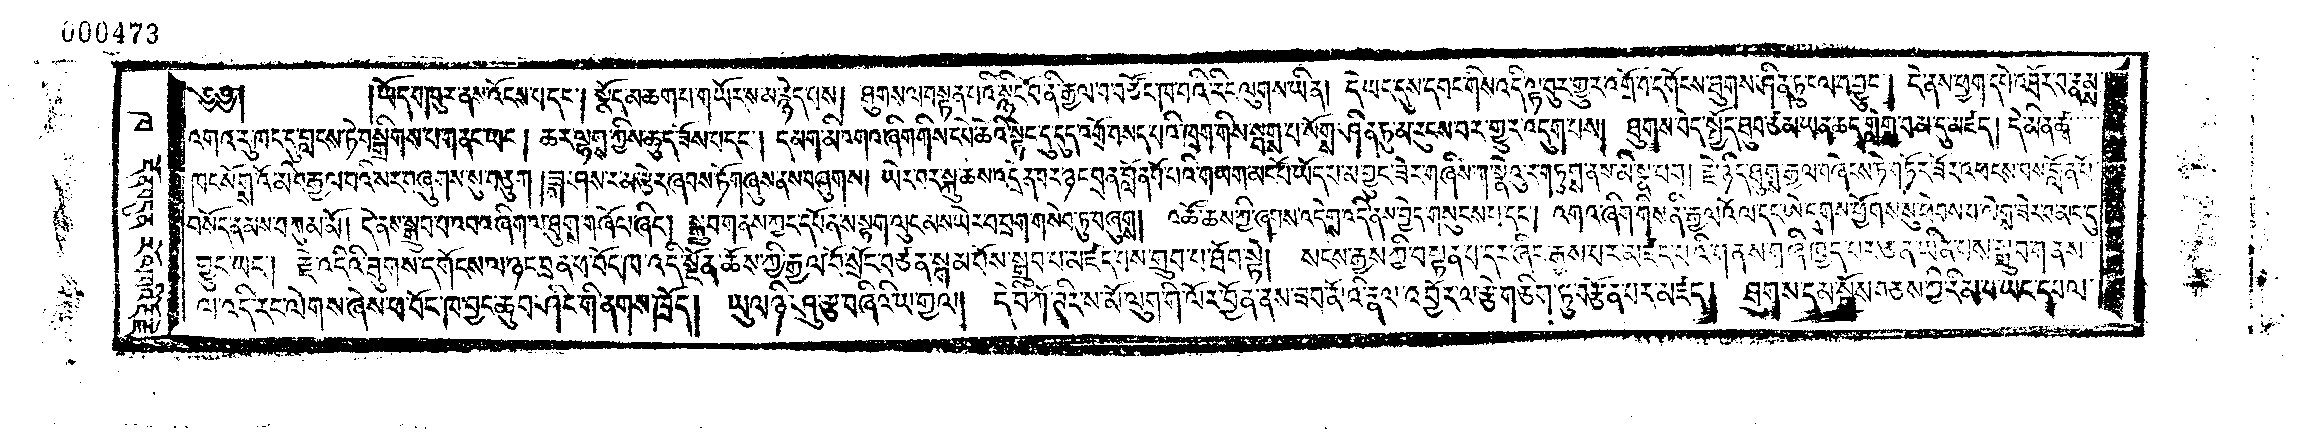༄༅། །ཡོད་པ་ཁུར་ནས་འོངས་པ་དང་། སྣོད་མ་ཆག་པ་གཡོར་བ?་མ་རྙེད་པས། ཐུགས་ལ་བསྟན་པའི་སྙིང་བོ་ནི་རྒྱལ་བ་བཙོང་ཁ་བའི་རིང་ལུགས་ཡིན། དེ་ཡང་དུས་དབང་གིས་འདི་ལྟ་བུར་གྱུར་འགྲོ་བ་དགོངས་ཐུགས་ཤིན་ཏུ་དལ་བ་བྱུང་། དེ་ནས་ཕྱག་དཔེ་འཐོར་པ་རྣམས་
འགའ་རུ་ཁང་དུ་བླངས་ཏེ་བསྒྲིགས་བ་གནང་ཡང་། ཆར་ལྷགས་ཀྱིས་ཆུད་ཟོས་པ་དང་། དམག་མི་འགའ་ཞིག་གིས་དཔེ་ཆེའི་སྟེང་དུ་དུད་འགྲོ་བསད་པའི་ཁྲག་གིས་སྦགས་པ་སོགས་ཤིན་ཏུ་མ་རུངས་པར་གྱུར་འདུག་པས། ཐུགས་བདེ་སྤྱོད་ཐུབ་ཙམ་ཡན་ཆད་གླེགས་བམ་དུ་མཛད། དེ་མིན་ཚྭ་
ཁང་སོགས་འོ་མི་བརྒྱལ་བའི་སར་བཞུགས་སུ་བཅུག །ཟླ་ཤས་རམ་རྩེར་ཞབས་ཏོག་ཞུས་ནས་བཞུགས། ཡེར་བར་སྐུ་ཆས་འདྲེན་པར་ཉང་བྲན་བློན་པོ་བའི་གཡག་མང་པོ་ཡོད་པ་མ་བྱུད་ཟེར་གཞིས་ཀ་སྣེའུར་གཏུགས་ནས་མི་སྣ་ཕབ། རྗེ་ཉིད་ཐུགས་རྒྱལ་བཞེངས་ཏེ་གཏོར་ཟོར་འཕངས་པས་བློན་པོ་
བསོད་ནམས་བཀུམ་མོ། དེ་ནས་སྒྲུབ་བ་འབའ་ཞིག་ལ་ཐུགས་གཞོལ་ཞིང་། སྒྲུབ་གནས་ཀྱང་དཔོན་ས་སྟག་ལུང་མས་ཡེར་བ་བྲག་གསེབ་ཏུ་བཞུགས། འཚོ་ཆས་ཀྱི་ཞབས་འདེགས་འདི་ནས་བྱེད་གསུངས་པ་དང་། འགའ་ཞིག་གིས་ནི་རྒྱལ་འོལ་དང་ཨེ་དྭགས་ཕྱོགས་སུ་ཕེབས་པ་ལེགས་ཟེར་བ་མང་དུ་
བྱུང་ཡང་། རྗེ་འདིའི་ཐུགས་དགོངས་ལ་ཉང་བྲན་ཕ་བོང་ཁ་འདི་སྔོན་ཆོས་ཀྱི་རྒྱལ་པོ་སྲོང་བཙན་སྒམ་པོས་སྒྲུབ་པ་མཛད་པས་གྲུབ་པ་ཐོབ་སྟེ། སངས་རྒྱས་ཀྱི་བསྟན་པ་དང་ཞིང་རྒྱས་པར་མཛད་པའི་གནས་གཞི་ཁྱད་པར་ཅན་ཡིན་པས་སྒྲུབ་གནས་
ལ་འདི་རང་ལེགས་ཞེས་ཕ་བོང་ཁ་བྱང་ཆུབ་ཤིང་གི་ནགས་ཁྲོད། ཡུལ་ཉི་ཤུ་རྩ་བཞིའི་ཡ་གྱལ། དེ་བི་ཀོ་ཊིར་ས་མོ་ལུག་གི་ལོར་བྱོན་ནས་ཟབ་མོའི་རྣལ་འབྱོར་ལ་རྩེ་གཅིག་ཏུ་བརྩོན་པར་མཛད། ཐུགས་དམ་སྤྲོས་བཅས་ཀྱི་རིམ་པ་ཡང་དཔལ་